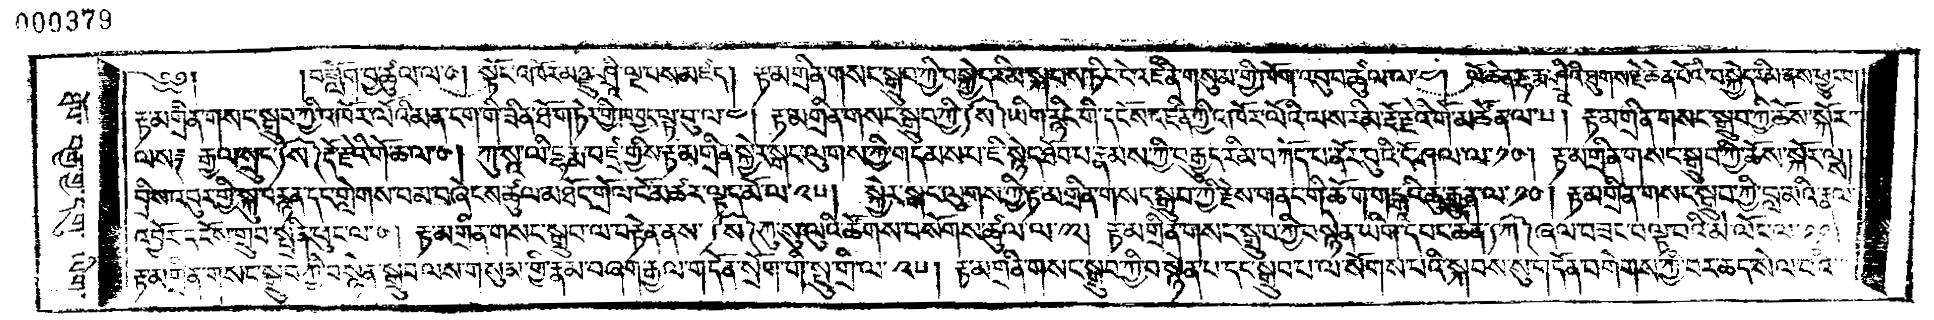༄༅། །བཟློག་བྱ་ཚུལ་ལ ༦། སྟོང་འཁོར་མཉྫུ་ཤྲཱི་ལྔ་པས་མཛད།  རྟ་མགྲིན་གསང་སྒྲུབ་ཀྱི་བསྐྱེད་རིམ་སྐབས་ཏིང་ངེ་འཛིན་གསུམ་གྱི་ཁོག་འབུབ་ཚུལ་ལ ༤། ལོ་ཆེན་དྷརྨ་ཤྲཱིའི་ཐུགས་རྗེ་ཆེན་པོའི་བསྐྱེད་རིམ་ནས་ཕྱུང་བ།
རྟ་མགྲིན་གསང་སྒྲུབ་ཀྱི་འཁོར་ལོའི་མན་ངག་གི་ཟིན་ཐོ་གཏེར་གྱི་ཁ་བྱང་ལྟ་བུ་ལ ༤། རྟ་མགྲིན་གསང་སྒྲུབ་ཀྱི ༼ས༽ ཡིག་རྙིང་གི་དངོས་འཛིན་གྱི་འཁོར་ལོའི་ལས་རིམ་རྡོ་རྗེའི་གོ་མཚོན་ལ ༥། རྟ་མགྲིན་གསང་སྒྲུབ་ཀྱི་ཆོས་སྐོར་
ལས༑ རྒྱལ་སྲུང ༼ས༽ རྡོ་རྗེའི་གོ་ཆ་ལ ༦། ཀུ་སཱ་ལི་དྷརྨ་བཛྲ་གྱིས་རྟ་མགྲིན་སྒྱེར་སྒང་ལུགས་ཀྱི་གདམས་པ་ཇི་སྙེད་ཐོབ་པ་རྣམས་ཀྱི་བརྒྱུད་རིམ་བཀོད་པ་ནོར་བུའི་ངོ་ཤལ་ལ ༡༠། རྟ་མགྲིན་གསང་སྒྲུབ་ཀྱི་ཆོས་སྐོར་ལས།
བྲིས་འབུར་གྱི་སྐུ་བརྙན་དང་གླེགས་བམ་བཞེངས་ཚུལ་མཐོང་གྲོལ་ངོ་མཚར་ལྟད་མོ་ལ ༢༥། སྐྱེར་སྒང་ལུགས་ཀྱི་རྟ་མགྲིན་གསང་སྒྲུབ་ཀྱི་རྗེས་གནང་གི་ཆོ་ག་གངྒཱའི་ཆུ་རྒྱུན་ལ ༡༦། རྟ་མགྲིན་གསང་སྒྲུབ་ཀྱི་བླ་མའི་རྣལ་
འབྱོར་དངོས་གྲུབ་སྤྲིན་ཕུང་ལ ༦། རྟ་མགྲིན་གསང་སྒྲུབ་ལ་བརྟེན་ནས ༼ས༽ ཀུ་སུ་ལུའི་ཚོགས་བསོགས་ཚུལ་ལ ༣། རྟ་མགྲིན་གསང་སྒྲུབ་ཀྱི་བསྙེན་ཡིག་དབང་ཆེན ༼ཀ༽ ཞལ་བཟང་བལྟ་བའི་མེ་ལོང་ལ ༡༡།
རྟ་མགྲིན་གསང་སྒྲུབ་ཀྱི་བསྙེན་སྒྲུབ་ལས་གསུམ་གྱི་རྣམ་བཞག་རྒྱལ་གདོན་སྲོག་གི་སྤུ་གྲི་ལ ༢༥། རྟ་མགྲིན་གསང་སྒྲུབ་ཀྱི་བསྙེན་པ་དང་སྒྲུབ་པ་ལ་སོགས་པའི་སྐབས་སུ་གདོན་བགེགས་ཀྱི་བར་ཆད་སེལ་བའི་